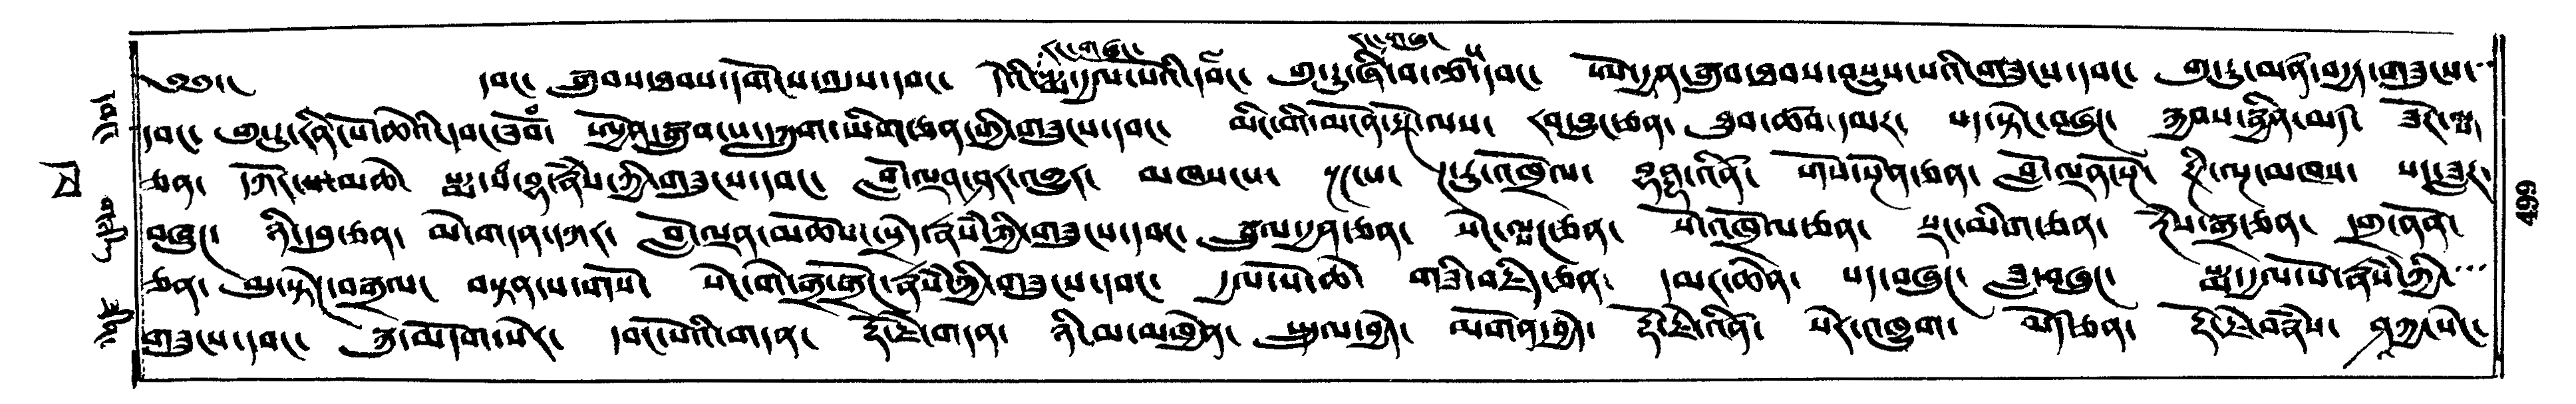དབང་སྒྲུབ་ཐབས་དགོངས་འདུས་དབང་། དེའི་རང་གཞུང་པདྨ་རྒྱལ་པོའི་དབང་། གུ་རུ་ཞི་བ་རང་གཞུང་རྩ་དབང༤་། ཨོ་རྒྱན་སྒྲུབ་ཐབས་བསྡུས་པའི་གཟུངས་
དབང༤་། གུ་རུ་མཚན་བརྒྱད་གཟུངས་དབང་། གུ་རུ་རིན་པོ་ཆེའི་དབང་ཟབ་མོ། ཨོ་རྒྱན་སྒྲུབ་པ་དཀྲུག་ཡིག་ཅན་གྱི་གཟུངས་དབང་། མིང་གི་མངོན་རྟོགས་ལས། རབ་བྱུང་ཅན། ཐུབ་ཚབ་དམར། པད་སྟེང་བཞུགས། སྐྱབས་སྦྱིན་མཛད། །ཟོག་ལྤགས་
ཅན། དཀར་པོ་མཆེ(?)། པདྨ་སཾ་བྷ་རྣམས་ཀྱི་གཟུངས་དབང་། བློ་ལྡན་ཤར་འགྱུར། མཁས་པ།སྔགས་པ། ཌ་རུ་འཁྲོལ། བྷནྡྷ་འཛིན། གོས་སྔོན་ཅན། བློ་ལྡན་སྔོ། རིགས་ལྔ་མཁས། པད་ཟླར་
བཞུགས། ཉི་དབུ་ཅན། མེ་གདན་དཀར། བློ་ལྡན་མཆོག་སྲེད་རྣམས་ཀྱི་གཟུངས་དབང་། སྦྲུལ་རྒྱན་ཅན། སེང་ལྤགས་ཅན། སོ་འཁྲོལ་ཅན། སྡང་མིག་ཅན། རྔམས་སྒྲ་ཅན། དགྲ་ནོན་
ཅན། མུ་སྟེགས་བསྒྲལ། བསྟན་པ་གསོ། སེང་གེ་སྒྲ་སྒྲོགས་རྣམས་ཀྱི་གཟུངས་དབང་། རྒྱལ་པོ་ཆེ། གཟི་བརྗིད་ཅན། དམར་ཆེན། པད་བཞུགས། ཟླ་བཞུགས། པདྨ་རྒྱལ་པོ་རྣམས་ཀྱི་
གཟུངས་དབང་། སྐུ་མདོག་སེར། དབང་པོའི་གདན། རྡོ་རྗེ་གདན། ཉི་མ་མཁྱེན། སྤྲུལ་བྱེད། མགོན་བྱེད། རྡོ་རྗེ་འཛིན། སེར་འཁྱུག མཛོད་ཅན། རྡོ་རྗེ་བསྣམས། ཤཱཀྱ་སེང་